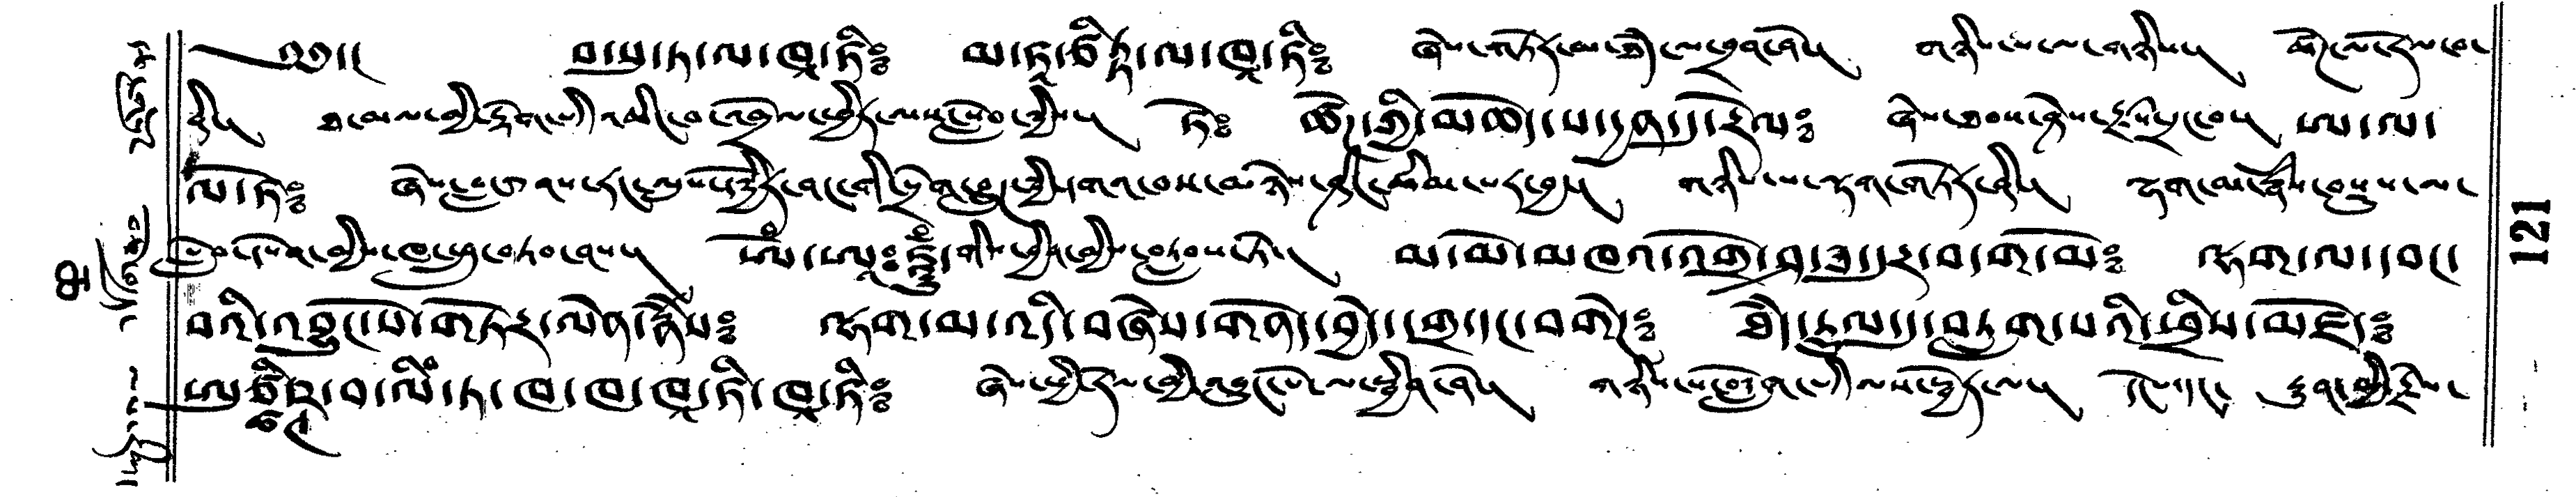བ་སུ་ཏ་ལ་ཁཱ་ཧིཿ མ་ཧཱ་ཙིཏྟ་ལ་ཁཱ་ཧིཿ ཞེས་གཏོར་མ་ཐམས་ཅད་ལ་བྲན་ནོ། གཉིས་པ་ལ་གཉིས། ཚོགས་ལ་རོལ་བ་
ནི། ཐ་མལ་གྱི་རྟོག་པའི་འཆིང་བ་འགྲོལ་ཕྱིར་ལས་སློབ་ཀྱིས། ཧོཿ ཚོགས་ཀྱི་མཆོད་པ་རྒྱན་དུ་རོལ༔ ཞེས་ཐབས་ཤེས་ཀྱི་རྫས་དྲངས་ལ། ཨ་ལ་
ལ་ཧོཿ ཞེས་བླངས་ནས་རང་ལུས་དཀྱིལ་འཁོར་ནང་གི་སྲེག་བླུགས་ཀྱི་དགའ་བས་མཉེས་ཤིང་ཚིམ་པར་བྱ།གཉིས་པ་ལྷག་གཏོར་ནི། ལྷག་མ་རྣམས་བསྡུས་ལ་
སློབ་དཔོན་གྱིས་ཁ་ཕྲུ་བཏབ་ནས། ཨོཾ་ཨཱཿཧཱུྃ་གིས་བྱིན་གྱིས་བརླབས་ཏེ། མ་མོ་མཁའ་འགྲོ་ཤ་ཟ་དུར་བདག་མོ༔ ལྷག་ལ་དབང་
བའི་འབྱུང་པོ་གཏོར་ལེན་རྣམས༔ ལྷག་མ་འདི་བཞེས་གནོད་བྱེད་དགྲ་དང་བགེགས༔ ཐམས་ཅད་རྡུལ་དུ་བརླག་པའི་ཕྲིན་ལས་མཛོད༔ 
ཨུཙྪིཥྚ་བ་ལིཾ་ཏ་ཁ་ཁ་ཁཱ་ཧི་ཁཱ་ཧིཿ ཞེས་ཕྱི་རོལ་གྱི་འབྱུང་པོ་ལ་སྦྱིན་ནོ། གཉིས་པ་བཟློག་པའི་ལས་སྦྱོར་ལ། དངོས་དང་། རྒྱུན་གྱི་རྗེས་